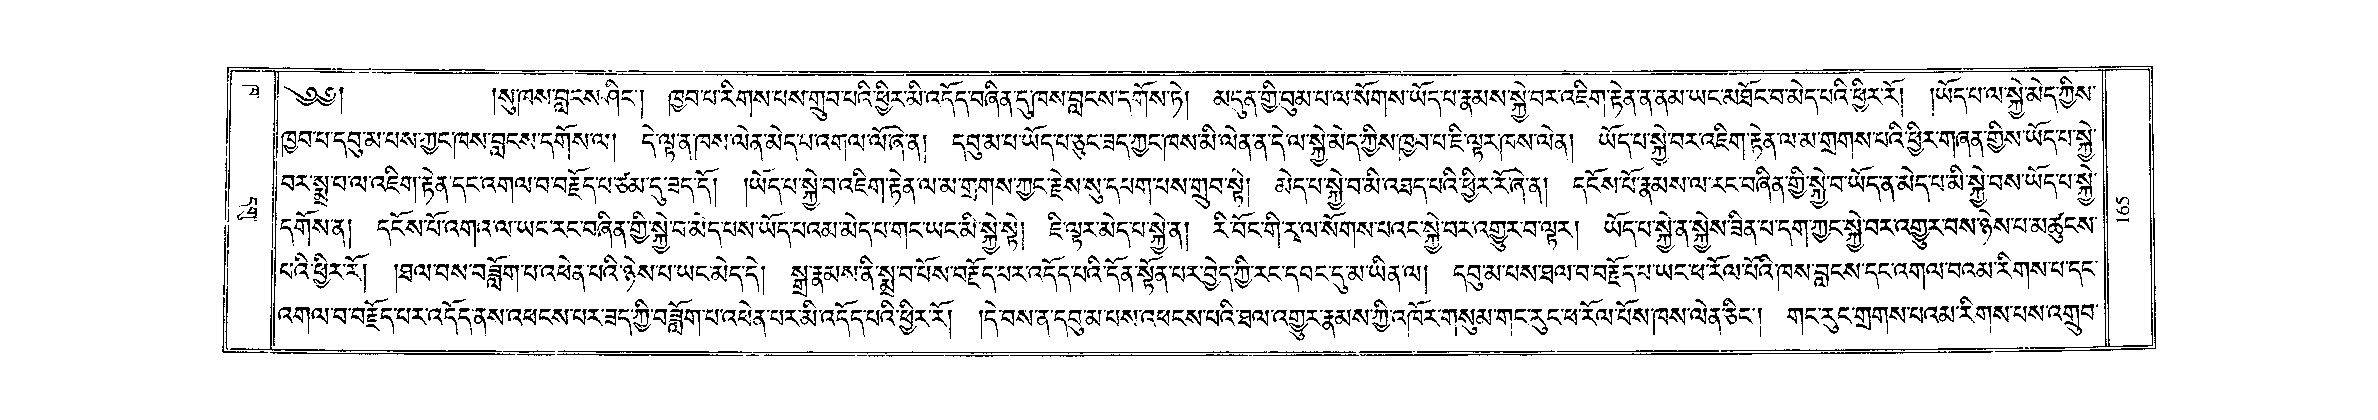༄༅། །སུ་ཁས་བླངས་ཤིང་། ཁྱབ་པ་རིགས་པས་གྲུབ་པའི་ཕྱིར་མི་འདོད་བཞིན་དུ་ཁས་བླངས་དགོས་ཏེ། མདུན་གྱི་བུམ་པ་ལ་སོགས་ཡོད་པ་རྣམས་སྐྱེ་བར་འཇིག་རྟེན་ན་ནམ་ཡང་མཐོང་བ་མེད་པའི་ཕྱིར་རོ། །ཡོད་པ་ལ་སྐྱེ་མེད་ཀྱིས་
ཁྱབ་པ་དབུ་མ་པས་ཀྱང་ཁས་བླངས་དགོས་ལ། དེ་ལྟ་ན་ཁས་ལེན་མེད་པ་འགལ་ལོ་ཞེ་ན། དབུ་མ་པ་ཡོད་པ་ཅུང་ཟད་ཀྱང་ཁས་མི་ལེན་ན་དེ་ལ་སྐྱེ་མེད་ཀྱིས་ཁྱབ་པ་ཇི་ལྟར་ཁས་ལེན། ཡོད་པ་སྐྱེ་བར་འཇིག་རྟེན་ལ་མ་གྲགས་པའི་ཕྱིར་གཞན་གྱིས་ཡོད་པ་སྐྱེ་
བར་སྨྲ་བ་ལ་འཇིག་རྟེན་དང་འགལ་བ་བརྗོད་པ་ཙམ་དུ་ཟད་དོ། །ཡོད་པ་སྐྱེ་བ་འཇིག་རྟེན་ལ་མ་གྲགས་ཀྱང་རྗེས་སུ་དཔག་པས་གྲུབ་སྟེ། མེད་པ་སྐྱེ་བ་མི་འཐད་པའི་ཕྱིར་རོ་ཞེ་ན། དངོས་པོ་རྣམས་ལ་རང་བཞིན་གྱི་སྐྱེ་བ་ཡོད་ན་མེད་པ་མི་སྐྱེ་བས་ཡོད་པ་སྐྱེ་
དགོས་ན། དངོས་པོ་འགའ་ལ་ཡང་རང་བཞིན་གྱི་སྐྱེ་བ་མེད་པས་ཡོད་པའམ་མེད་པ་གང་ཡང་མི་སྐྱེ་སྟེ། ཇི་ལྟར་མེད་པ་སྐྱེ་ན། རི་བོང་གི་རྭ་ལ་སོགས་པའང་སྐྱེ་བར་འགྱུར་བ་ལྟར། ཡོད་པ་སྐྱེ་ན་སྐྱེས་ཟིན་པ་དག་ཀྱང་སྐྱེ་བར་འགྱུར་བས་ཉེས་པ་མཚུངས་
པའི་ཕྱིར་རོ། །ཐལ་བས་བཟློག་པ་འཕེན་པའི་ཉེས་པ་ཡང་མེད་དེ། སྒྲ་རྣམས་ནི་སྨྲ་བ་པོས་བརྗོད་པར་འདོད་པའི་དོན་སྟོན་པར་བྱེད་ཀྱི་རང་དབང་དུ་མ་ཡིན་ལ། དབུ་མ་པས་ཐལ་བ་བརྗོད་པ་ཡང་ཕ་རོལ་པོའི་ཁས་བླངས་དང་འགལ་བའམ་རིགས་པ་དང་
འགལ་བ་བརྗོད་པར་འདོད་ནས་འཕངས་པར་ཟད་ཀྱི་བཟློག་པ་འཕེན་པར་མི་འདོད་པའི་ཕྱིར་རོ། །དེ་བས་ན་དབུ་མ་པས་འཕངས་པའི་ཐལ་འགྱུར་རྣམས་ཀྱི་འཁོར་གསུམ་གང་རུང་ཕ་རོལ་པོས་ཁས་ལེན་ཅིང་། གང་རུང་གྲགས་པའམ་རིགས་པས་འགྲུབ་